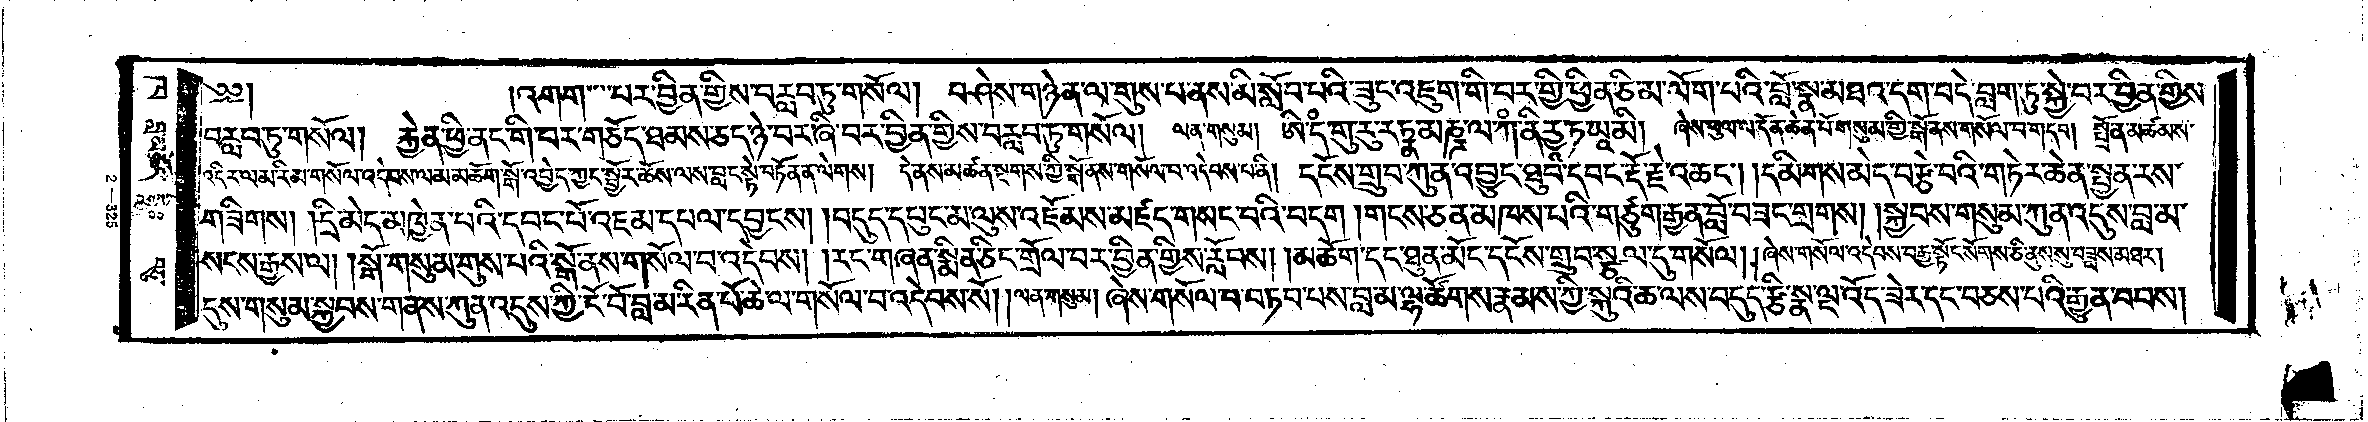༄༅། །འགག་པར་བྱིན་གྱིས་བརླབ་ཏུ་གསོལ། བཤེས་གཉེན་ལ་གུས་པ་ནས་མི་སློབ་པའི་ཟུང་འཇུག་གི་བར་གྱི་ཕྱིན་ཅི་མ་ལོག་པའི་བློ་སྣ་མཐའ་དག་བདེ་བླག་ཏུ་སྐྱེ་བར་བྱིན་གྱིས་
བརླབ་ཏུ་གསོལ། རྐྱེན་ཕྱི་ནང་གི་བར་གཅོད་ཐམས་ཅད་ཉེ་བར་ཞི་བར་བྱིན་གྱིས་བརླབ་ཏུ་གསོལ། ལན་གསུམ།  ཨི་དཾ་གུ་རུ་རཏྣ་མཎྜལ་ལ་ཀཾ་ནིརྱཱ་ཏ་ཡཱ་མི། ཞེས་ཕུལ་ལ་དོན་ཆེན་པོ་གསུམ་གྱི་སྒོ་ནས་གསོལ་བ་གདབ། སྤྲོན་མཚམས་
འདིར་ལམ་རིམ་གསོལ་འདེབས་ལམ་མཆོག་སྒོ་འབྱེད་ཀྱང་སྦྱོར་ཆོས་ལས་བླང་སྟེ་བཏོན་ན་ལེགས། དེ་ནས་མཚན་སྔགས་ཀྱི་སྒོ་ནས་གསོལ་བ་འདེབས་པ་ནི། དངོས་གྲུབ་ཀུན་འབྱུང་ཐུབ་དབང་རྡོ་རྗེ་འཆང་། །དམིགས་མེད་བརྩེ་བའི་གཏེར་ཆེན་སྤྱན་རས་
གཟིགས། །དྲི་མེད་མཁྱེན་པའི་དབང་པོ་འཇམ་དཔལ་དབྱངས། །བདུད་དཔུང་མ་ལུས་འཇོམས་མཛད་གསང་བའི་བདག །གངས་ཅན་མཁས་པའི་གཙུག་རྒྱན་བློ་བཟང་གྲགས། །སྐྱབས་གསུམ་ཀུན་འདུས་བླ་མ་
སངས་རྒྱས་ལ། །སྒོ་གསུམ་གུས་པའི་སྒོ་ནས་གསོལ་བ་འདེབས། །རང་གཞན་སྨིན་ཅིང་གྲོལ་བར་བྱིན་གྱིས་རློབས། །མཆོག་དང་ཐུན་མོང་དངོས་གྲུབ་སྩལ་དུ་གསོལ། །ཞེས་གསོལ་འདེབས་བརྒྱ་སྟོང་སོགས་ཅི་ནུས་སུ་བཟླས་མཐར།
དུས་གསུམ་སྐྱབས་གནས་ཀུན་འདུས་ཀྱི་ངོ་བོ་བླ་མ་རིན་པོ་ཆེ་ལ་གསོལ་བ་འདེབས་སོ། །ལན་གསུམ།  ཞེས་གསོལ་བ་བཏབ་པས་བླ་མ་ལྷ་ཚོགས་རྣམས་ཀྱི་སྐུའི་ཆ་ལས་བདུད་རྩི་སྣ་ལྔ་འོད་ཟེར་དང་བཅས་པའི་རྒྱུན་བབས།